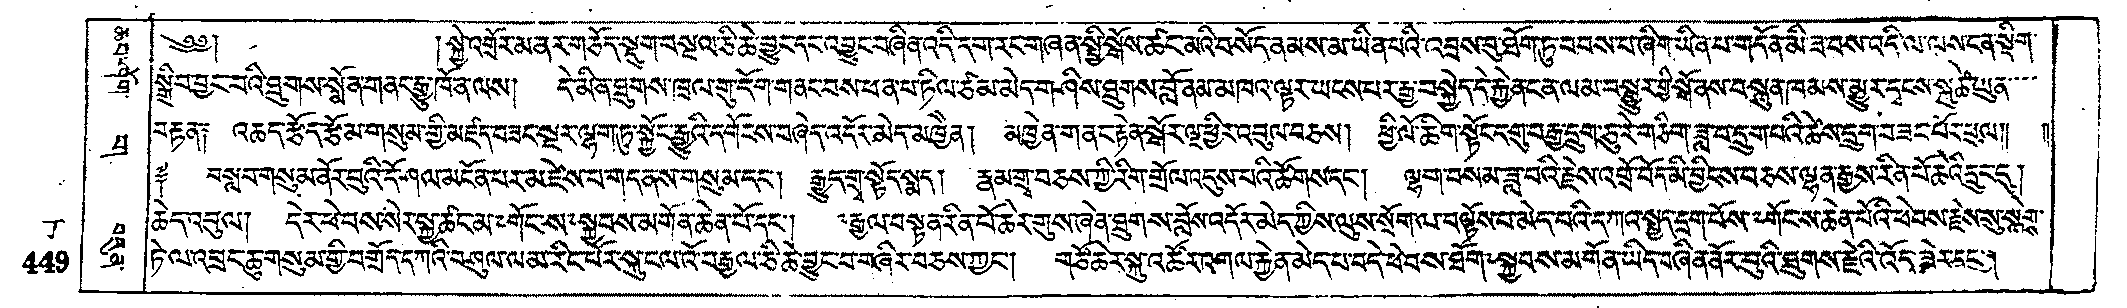༄༅། །སྐྱེ་འགྲོར་མནར་གཅོད་སྡུག་བསྔལ་ཅི་ཆེ་བྱུང་དང་འབྱུང་བཞིན་འདི་དག་རང་གཞན་སྤྱི་སྒོས་ཚང་མའི་བསོད་ནམས་མ་ཡིན་པའི་འབྲས་བུ་ཐོག་ཏུ་བབས་པ་ཞིག་ཡིན་པ་གདོན་མི་ཟ་བས་འདི་ལ་ལས་ངན་སྡིག་
སྒྲིབ་བྱང་བའི་ཐུགས་སྨོན་གནང་རྒྱུ་ཁོ་ན་ལས། དེ་མིན་ཐུགས་ཁྲལ་གུ་དོག་གནང་བས་ཕན་པ་ཏིལ་ཙམ་མེད་གཤིས་ཐུགས་བློ་ནམ་མཁའ་ལྟར་ཡངས་པར་རྒྱ་བསྐྱེད་དེ་རྐྱེན་ངན་ལམ་བསྒྱུར་གྱི་སྒོ་ནས་བསྙུན་ཁམས་མྱུར་དྭངས་སྐུ་ཚེ་ཡུན་་་
བརྟན༑ འཆད་རྩོད་རྩོམ་གསུམ་གྱི་མཛད་བཟང་སྔར་ལྷག་ཏུ་སྐྱོང་རྒྱུའི་དགོངས་བཞེད་འདོར་མེད་མཁྱཻན། མཁྱེན་གནང་རྟེན་སྒོར་ལྔ་ཕྱིར་འབུལ་བཅས། ཕྱི་ལོ་ཆིག་སྟོང་དགུ་བརྒྱ་དྲུག་ཅུ་རེ་གཅིག་ཟླ་བ་དྲུག་པའི་ཚེས་དྲུག་བཟང་པོར་ཕུལ།། །།
འབྶླབ་གསུམ་ནོར་བུའི་དོ་ཤལ་མངོན་པར་མཛེས་པ་གདན་ས་གསུམ་དང་། རྒྱུད་གྲྭ་སྟོད་སྨད། རྣམ་གྲྭ་བཅས་ཀྱི་རིག་གྲོལ་འདུས་པའི་ཚོགས་དང་། ལྷག་བསམ་ཟླ་བའི་རྗེས་འགྲོ་བོད་མི་བྱིངས་བཅས་ལྷན་རྒྱས་རིན་པོ་ཆེའི་དྲུང་དུ།
ཆེད་འབུལ། དེར་ཕེབས་སེར་སྐྱ་ཚང་མ ༧གོང་ས ༧སྐྱབས་མགོན་ཆེན་པོ་དང་། ༧རྒྱལ་བསྟན་རིན་པོ་ཆེ་གུས་ཞེན་ཐུགས་བློས་འདོར་མེད་ཀྱིས་ལུས་སྲོག་ལ་བལྟོས་པ་མེད་པའི་དཀའ་སྤྱད་དྲག་པོས ༧གོང་ས་ཆེན་པོའི་ཕེབས་རྗེས་སུ་སྙེགས་
ཏེ་ལ་འཕྲང་ཆུ་གསུམ་གྱི་བགྲོད་དཀའི་བཤུལ་ལམ་རིང་པོར་སྐུ་ངལ་འོ་བརྒྱལ་ཅི་ཆེ་བྱུང་བ་གཞིར་བཅས་ཀྱང་། གཙོ་ཆེར་སྐུ་འཚོར་འགལ་རྐྱེན་མེད་པ་བདེ་ཕེབས་ཐོག ༧སྐྱབས་མགོན་ཡིད་བཞིན་ནོར་བུའི་ཐུགས་རྗེའོ་འོད་ཟེར་དང་།